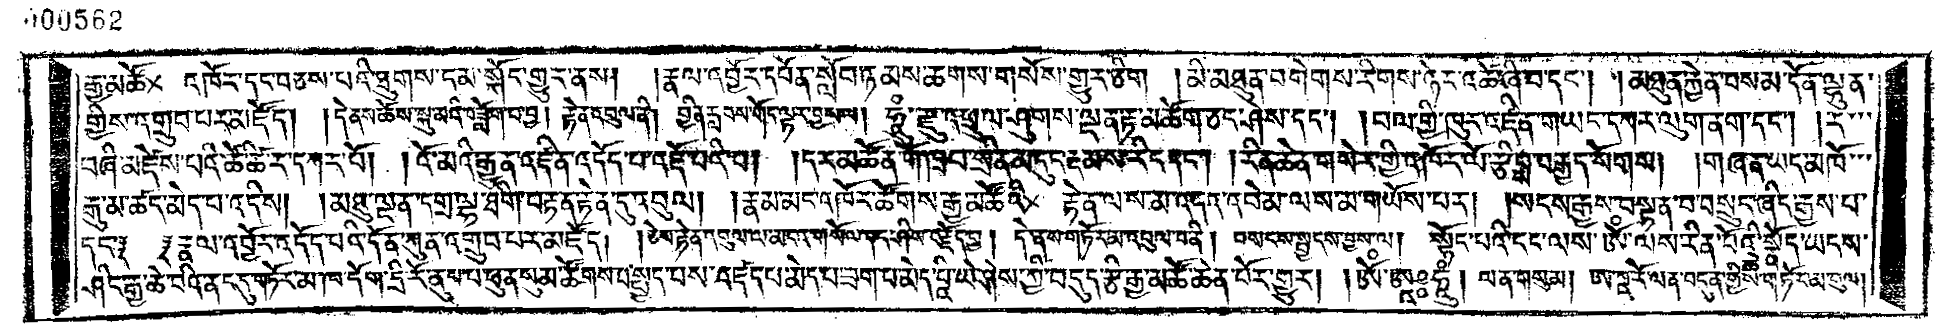རྒྱ་མཚོ་྾་འཁོར་དང་བཅས་པའི་ཐུགས་དམ་སྐོང་གྱུར་ནས། །རྣལ་འབྱོར་དཔོན་སློབ་ཉམས་ཆགས་གསོས་གྱུར་ཅིག །མི་མཐུན་བགེགས་རིགས་ཉེར་འཚེ་ཞི་བ་དང་། །མཐུན་རྐྱེན་བསམ་དོན་ལྷུན་
གྱིས་འགྲུབ་པར་མཛོད། །དེ་ནས་ཆོས་སྐུ་མའི་བཟློག་པ་བྱ། རྟེན་འབུལ་ནི། བྱིན་རླབས་གོང་ལྟར་བྱས་ལ།  ཧཱུཾ་རྫུ་འཕྲུལ་ཤུགས་ལྡན་རྟ་མཆོག་ཅང་ཤེས་དང་། །བལ་གྱི་ཁུར་འཛིན་གཡང་དཀར་ལུག་ནག་དང་། །ར་
བཞི་མཛེས་པའི་ཚེ་ཚི་ར་དཀར་པོ། །འོ་མའི་རྒྱུན་འཛིན་འདོད་པ་འཇོ་པའི་བ། །དར་མཚོན་གོ་ཁྲབ་སྲིན་མདུང་རྔམས་རིང་དང་། །རིན་ཆེན་གསེར་གྱི་འཁོར་ལོ་རྩིབས་བརྒྱད་སོགས། །གཞན་ཡང་མཁོ་
རྒུ་མ་ཚང་མེད་པ་འདིས། །མཐུ་ལྡན་དགྲ་ལྷ་ཐིག་བརྟན་རྟེན་དུ་འབུལ། །རྣམ་མང་འཁོར་ཚོགས་རྒྱ་མཚོའི་྾་རྟེན་ལས་མ་འདའ་འབེམ་ལས་མ་གཡོས་པར། །སངས་རྒྱས་བསྟན་པ་བསྲུང་ཞིང་རྒྱས་པ་
དང་། །རྣལ་འབྱོར་འདོད་པའི་དོན་ཀུན་འགྲུབ་པར་མཛོད། ། ཅེས་རྟེན་འབུལ་ལ་མངའ་གསོལ་དང་ཤིས་བརྗོད་བྱ། དེ་ནས་གཏོར་མ་འབུལ་བ་ནི། བསངས་སྦྱངས་བྱས་ལ།  སྟོང་པའི་ངང་ལས་ཨོཾ་ལས་རིན་པོའི་ཆེ་སྣོད་ཡངས་
ཤིང་རྒྱ་ཆེ་བའི་ནང་དུ་གཏོར་མ་ཁ་དོག་དྲི་རོ་ནུས་པ་ཕུན་སུམ་ཚོགས་པ་སྤྱད་པས་འཛད་པ་མེད་པ་ཟག་པ་མེད་པའི་ཡེ་ཤེས་ཀྱི་བདུད་རྩི་རྒྱ་མཚོ་ཆེན་པོར་གྱུར། །ཨོཾ་ཨཱཿ ཧཱུཾ། ལན་གསུམ། ཨ་ཀཱ་རོ་ལན་བདུན་གྱིས་གཏོར་མ་བུལ།